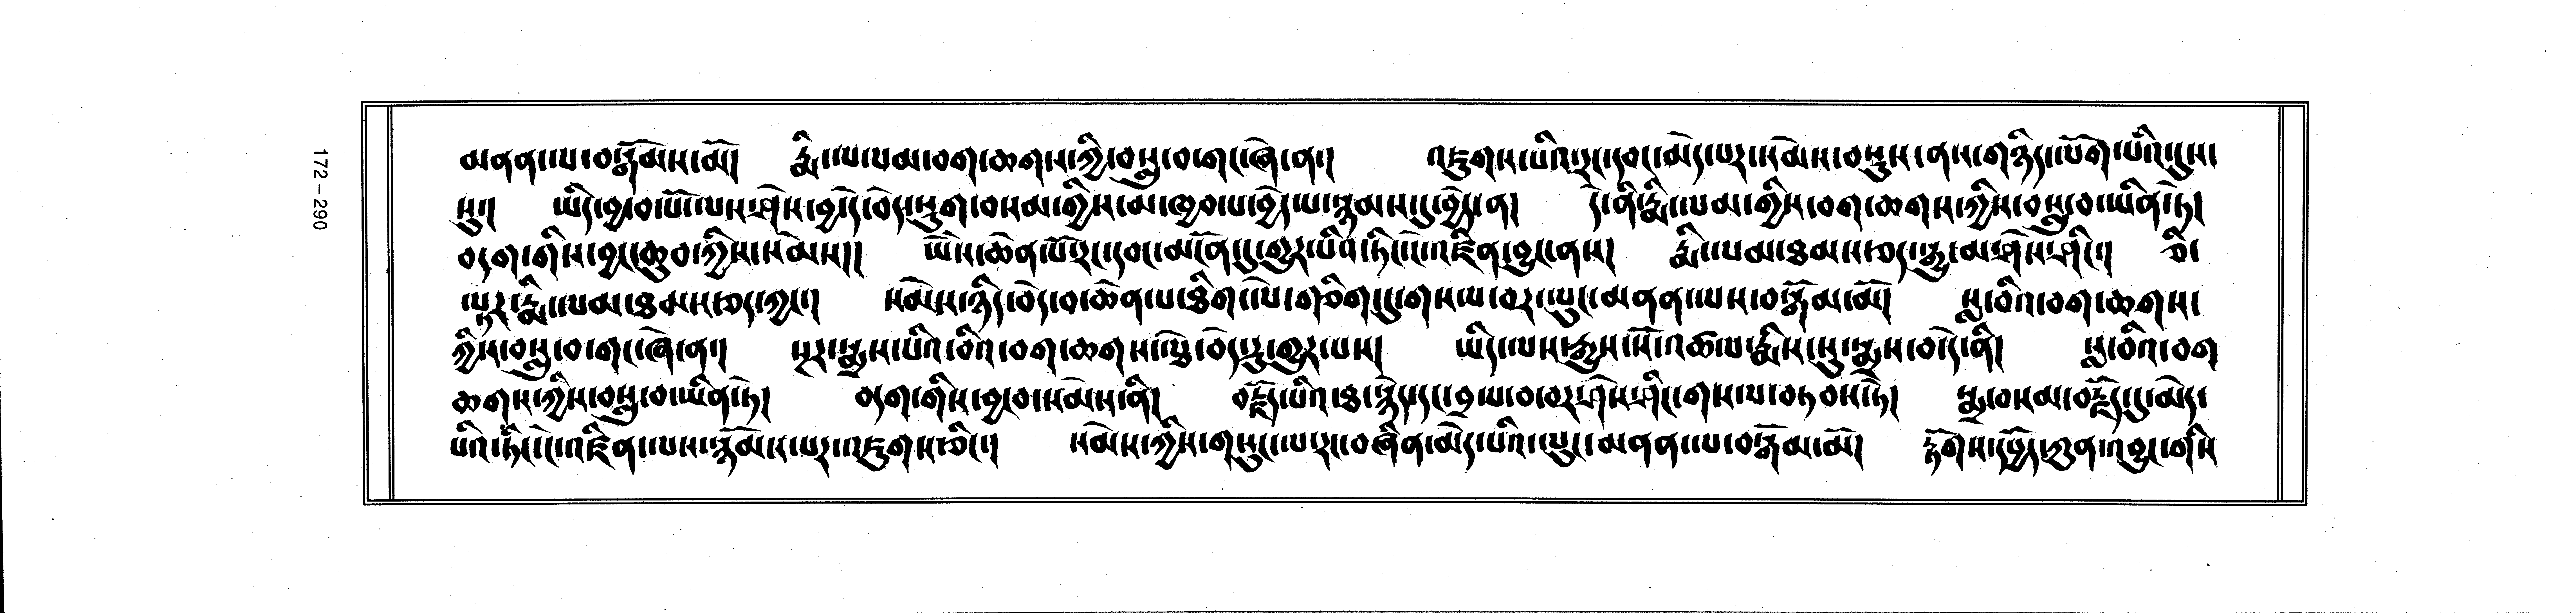མནན་ལ་བསྒོམས་མོ། རྨི་ལམ་བག་ཆགས་ཀྱི་བསླུ་བ་གང་ཞེ་ན། འཇུགས་པའི་རང་དབང་མེད་པར་སེམས་བསྡུས་ནས་གཉིད་ལོག་པའི་དུས་
སུ། ཡིད་བྱ་བ་པོ་ལས་ཤེས་བྱ་དེ་བདེ་སྡུག་བསམ་གྱིས་མི་ཁྱབ་པ་བྱེད་པ་སྙམས་དུ་བྱེད་ན། དེ་ནི་རྨི་ལམ་གྱིས་བག་ཆགས་ཀྱིས་བསླུ་བ་ཡིན་ཏེ། 
བདག་གིས་བྱང་ཆུབ་ཀྱིས་སེམས། ཡེ་ཤེས་ཆེན་པོ་རང་དབང་མངོན་དུ་གྱུར་པའི་ཏིང་ངེ་འཛིན་བྱུང་ནས། རྨི་ལམ་ཐམས་ཅད་སྒྱུ་མ་ཤེས་ཤིང་། ཅི་
ལྟར་རྨི་ལམ་ཐམས་ཅད་ཀྱང་། སེམས་ཉིད་བདེ་བ་ཆེན་པོ་ཐིག་ལེ་གཅིག་དུ་གསལ་བར་ལུང་མནན་ལས་བསྒོམ་མོ། སླ་བའི་བག་ཆགས་
ཀྱིས་བསླུ་བ་གང་ཞེ་ན། སྔར་སྨྲས་བའི་བག་ཆགས་ལྕེ་བདེ་རུ་གྱུར་པས། ཡིད་ལས་རྒྱུས་སོ་འཚལ་རྨིས་སུ་སྨྲས་བ་དེ་ནི། སླ་བའི་བག་
ཆགས་ཀྱིས་བསླུ་བ་ཡིན་ཏེ། བདག་གིས་བྱང་ཆུབ་ཀྱིས་སེམས་ནི། བརྗོད་པའི་ཐ་སྙེད་དང་བྲལ་བར་ཤེས་ཤིང་གསལ་བཏབས་ཏེ། སྨྲ་བསམ་བརྗོད་དུ་མེད་
པའི་ཏིང་ངེ་འཛིན་ལས་སྙོམས་པར་འཇུགས་ཅིང་། སེམས་ཀྱིས་གསུང་ལ་རང་བཞིན་མེད་པའི་ལུང་མནན་ལ་བསྒོམ་མོ། རྟོགས་དཔྱོད་ཀུན་འབྱུང་གིས་